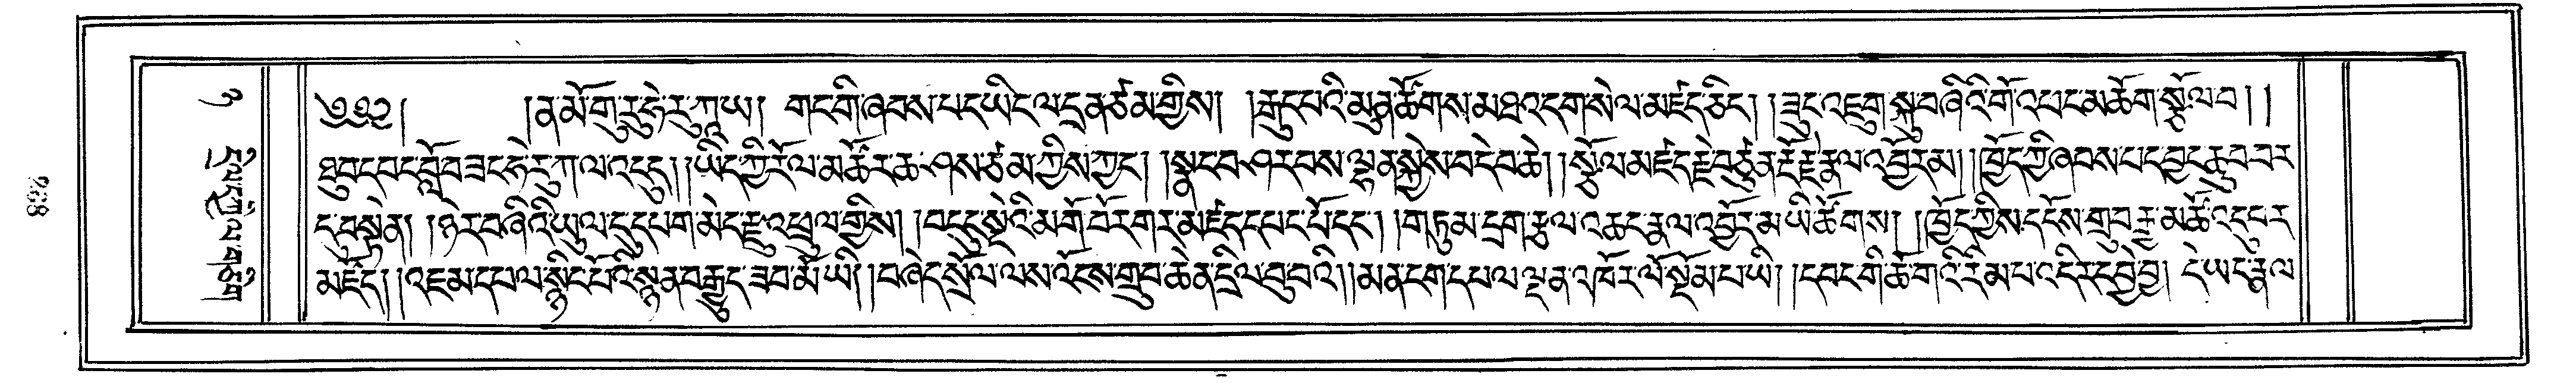༄༅༅། །ན་མོ་གུ་རུ་ཧེ་རུ་ཀཱ་ཡ། གང་གི་ཞབས་པད་ཡིད་ལ་དྲན་ཙམ་གྱིས། །རྒུད་པའི་མུན་ཚོགས་མཐའ་དག་སེལ་མཛད་ཅིང་། །ཟུང་འཇུག་སྐུ་བཞིའི་གོ་འཕང་མཆོག་སྩོལ་བ། །
ཐུབ་དབང་བློ་བཟང་ཧེ་རུ་ཀ་ལ་འདུད། །ཡིད་ཀྱི་རོལ་མཚོར་ཆ་ཤས་ཙམ་གྱིས་ཀྱང་། །སྣང་བ་ཤར་བས་ལྷན་སྐྱེས་བདེ་བ་ཆེ། །སྩོལ་མཛད་རྗེ་བཙུན་རྡོ་རྗེ་རྣལ་འབྱོར་མ། །ཁྱོད་ཀྱི་ཞབས་པད་བྱང་ནུ་བ་བར་
དུ་བསྟེན། །ཉེར་བཞིའི་ཡུལ་དུ་དཔག་མེད་རྫུ་འཕྲུལ་གྱིས། །བདུད་སྡེའི་མགོ་བོར་གར་མཛད་དཔའ་བོ་དང་། །གཏུམ་དྲག་རྩལ་འཆང་རྣལ་འབྱོར་མ་ཡི་ཚོགས། །ཁྱོད་ཀྱིས་དངོས་གྲུབ་རྒྱ་མཚོ་འདུ་བར་
མཛོད། །འཇམ་དཔལ་སྙིང་པོའི་སྙན་བརྒྱུད་ཟབ་མོ་ཡི། །བཞེད་སྲོལ་ལས་འོངས་གྲུབ་ཆེན་དྲིལ་བུ་པའི། །མན་དག་དཔལ་ལྡན་འཁོར་ལོ་སྔོམ་པ་ཡི། །དབང་གི་ཆོ་གའི་རིམ་པ་འདིར་དབྱེ་བྱ། དེ་ཡང་རྣལ་